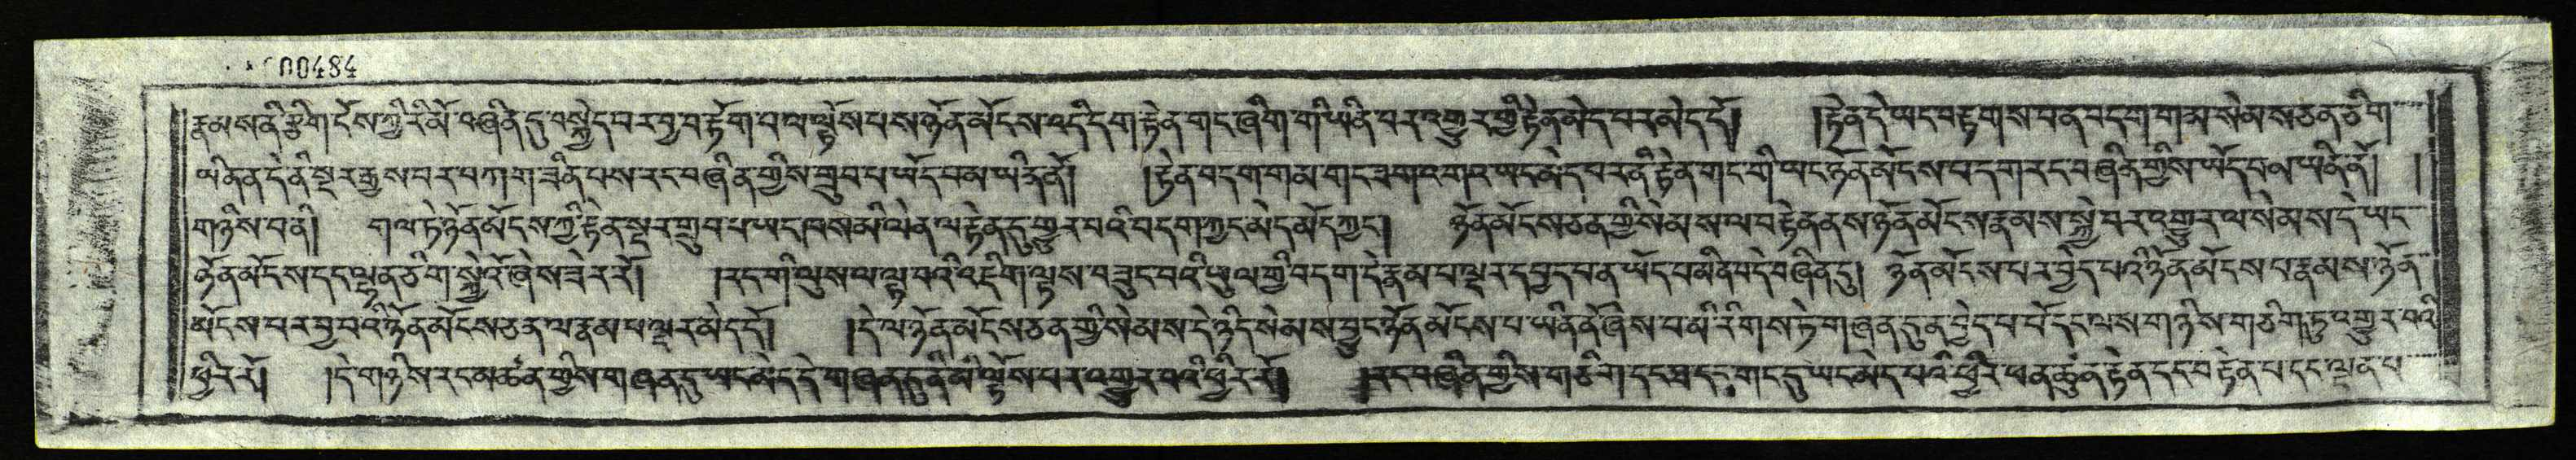རྣམས་ནི་རྩིག་ངོས་ཀྱི་རི་མོ་བཞིན་དུ་བསྐྱེད་བར་བྱ་བ་རྟོག་པ་ལ་ལྟོས་པས་ཉོན་མོངས་འདི་དག་རྟེན་གང་ཞིག་གི་ཡིན་པར་འགྱུར་གྱི་རྟེན་མེད་པར་མེད་དོ། །རྟེན་དེ་ཡང་བརྟགས་པ་ན་བདག་གམ་སེམས་ཅན་ཅིག་
ཡིན་ན་དེ་ནི་སྔར་རྒྱས་བར་བཀག་ཟིན་པས་རང་བཞིན་གྱིས་གྲུབ་པ་ཡོད་པ་མ་ཡིན་ནོ། །རྟེན་བདག་གམ་གང་ཟག་འགའ་ཡང་མེད་པར་ནི་རྟེན་གང་གི་ཡང་ཉོན་མོངས་པ་དག་རང་བཞིན་གྱིས་ཡོད་པ་མ་ཡིན་ནོ། །
གཉིས་བ་ནི། གལ་ཏེ་ཉོན་མོངས་ཀྱི་རྟེན་སྔར་གྲུབ་པ་ཡང་ཁས་མི་ལེན་ལ་རྟེན་དུ་གྱུར་པའི་བདག་ཀྱང་མེད་མོད་ཀྱང་། ཉོན་མོངས་ཅན་གྱི་སེམས་ལ་བརྟེན་ནས་ཉོན་མོངས་རྣམས་སྐྱེ་བར་འགྱུར་ལ་སེམས་དེ་ཡང་
ཉོན་མོངས་དང་ལྷན་ཅིག་སྐྱེའོ་ཞེས་ཟེར་རོ། །རང་གི་ལུས་ལ་ལྟ་བའི་འཇིག་ལྟས་བཟུང་བའི་ཡུལ་གྱི་བདག་དེ་རྣམ་པ་ལྔར་དབྱད་པ་ན་ཡོད་པ་མིན་བདེ་བཞིན་དུ། ཉོན་མོངས་པར་བྱེད་པའི་ཉོན་མོངས་པ་རྣམས་ཉོན་
མོངས་བར་བྱ་བའི་ཉོན་མོངས་ཅན་ལ་རྣམ་པ་ལྔར་མེད་དོ། །དེ་ལ་ཉོན་མོངས་ཅན་གྱི་སེམས་དེ་ཉིད་སེམས་བྱུང་ཉོན་མོངས་པ་ཡིན་ནོ་ཞེས་པ་མི་རིགས་དེ་གཞན་དུ་ན་བྱེད་པ་པོ་དང་ལས་གཉིས་གཅིག་ཏུ་འགྱུར་བའི་
ཕྱིར་རོ། །དེ་གཉིས་རང་མཚན་གྱིས་གཞན་དུ་ཡང་མེད་དེ་གཞན་དུ་ནི་མི་ལྟོས་པར་འགྱུར་བའི་ཕྱིར་རོ། །རང་བཞིན་གྱིས་གཅིག་དང་ཐ་དད་གང་དུ་ཡང་མེད་པའི་ཕྱིར་ཕན་ཚུན་རྟེན་དང་བརྟེན་པ་དང་ལྡན་པ་